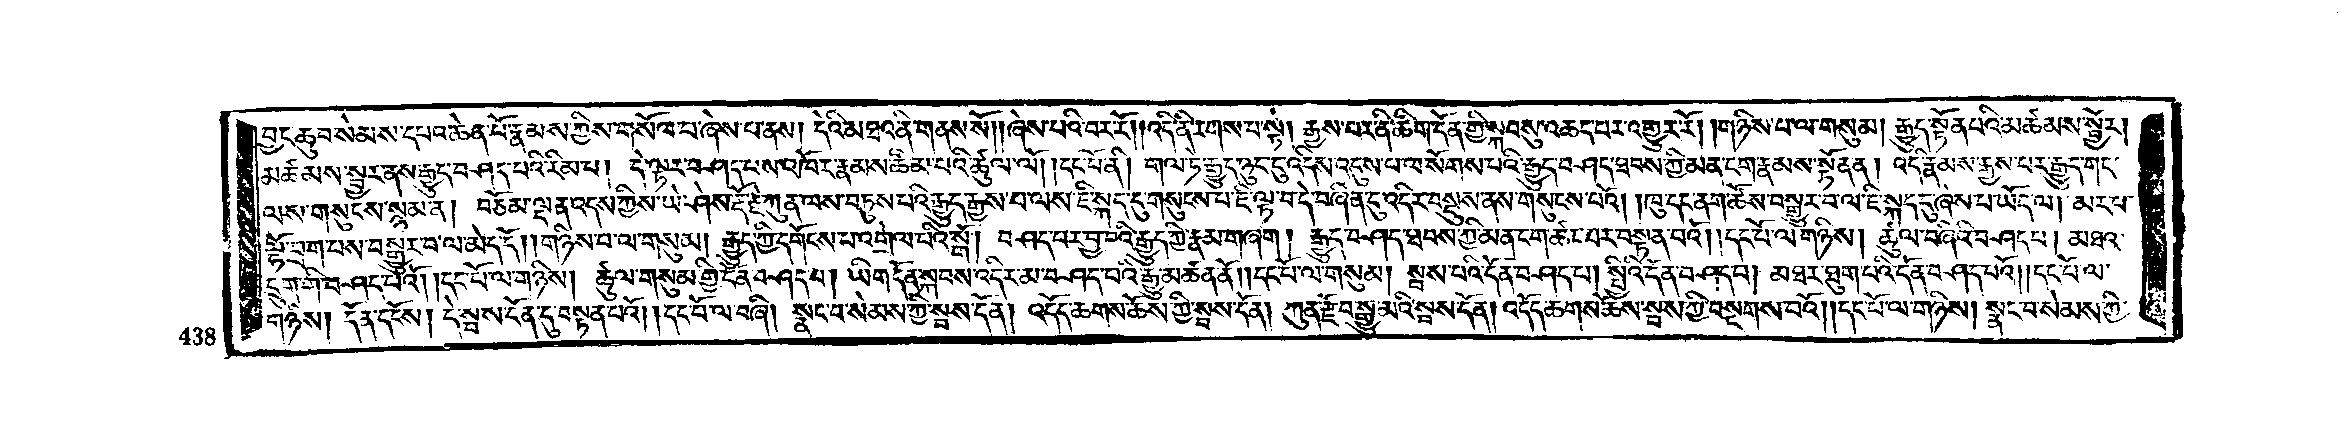བྱང་ཆུབ་སེམས་དཔའ་ཆེན་པོ་རྣམས་ཀྱིས་གསོལ་པ་ཞེས་པ་ནས། དེའི་མཐའ་ནི་གནས་སོ། །ཞེས་པའི་བར་རོ། །འདི་ནི་རགས་པ་སྟེ། རྒྱས་པར་ནི་ཚིག་དོན་གྱི་སྐབས་སུ་འཆད་པར་འགྱུར་རོ། །གཉིས་པ་ལ་གསུམ། རྒྱུད་སྟོན་པའི་མཚམས་སྦྱོར།
མཚམས་སྦྱར་ནས་རྒྱུད་བཤད་པའི་རིམ་པ། དེ་ལྟར་བཤད་པས་འཁོར་རྣམས་ཚིམ་པའི་ཚུལ་ལོ། །དང་པོ་ནི། གལ་ཏེ་རྒྱུད་ཉུང་ངུ་འདིས་འདུས་པ་ལ་སོགས་པའི་རྒྱུད་བཤད་ཐབས་ཀྱི་མན་ངག་རྣམས་སྟོན་ན། འདི་རྣམས་རྒྱས་པར་རྒྱུད་གང་
ལས་གསུངས་སྙམ་ན། བཅོམ་ལྡན་འདས་ཀྱིས་ཡེ་ཤེས་རྡོ་རྗེ་ཀུན་ལས་བཏུས་པའི་རྒྱུད་རྒྱས་པ་ལས་ཇི་སྐད་དུ་གསུངས་པ་ཇི་ལྟ་བ་དེ་བཞིན་དུ་འདིར་བསྡུས་ནས་གསུངས་པའོ། །ཁུ་དང་ནག་ཚོས་བསྒྱུར་བ་ལ་ཇི་སྐད་དུ་ཞེས་པ་ཡོད་ལ། མར་པ་
ལྷོ་བྲག་པས་བསྒྱུར་བ་ལ་མེད་དོ། །གཉིས་པ་ལ་གསུམ། རྒྱུད་ཀྱི་དགོངས་པ་འགྲེལ་པའི་སྒོ། བཤད་པར་བྱ་བའི་རྒྱུད་ཀྱི་རྣམ་གཞག། རྒྱུད་བཤད་ཐབས་ཀྱི་མན་ངག་ཚང་བར་བསྟན་པའོ། །དང་པོ་ལ་གཉིས། ཚུལ་བཞིའི་བཤད་པ། མཐའ་
དྲུག་གི་བཤད་པའོ། །དང་པོ་ལ་གཉིས། ཚུལ་གསུམ་གྱི་དོན་བཤད་པ། ཡིག་དོན་སྐབས་འདིར་མ་བཤད་པའི་རྒྱུ་མཚན་ནོ། །དང་པོ་ལ་གསུམ། སྦས་པའི་དོན་བཤད་པ། སྤྱིའི་དོན་བཤད་པ། མཐར་ཐུག་པའི་དོན་བཤད་པའོ། །དང་པོ་ལ་
གཉིས། དོན་དངོས། དེ་སྦས་དོན་དུ་བསྟན་པའོ། །དང་པོ་ལ་བཞི། སྣང་བ་སེམས་ཀྱི་སྦས་དོན། འདོད་ཆགས་ཆོས་ཀྱི་སྦས་དོན། ཀུན་རྫོབ་སྒྱུ་མའི་སྦས་དོན། འདོད་ཆགས་ཆོས་སྦས་ཀྱི་བསྔགས་བའོ། །དང་པོ་ལ་གཉིས། སྣང་བ་སེམས་ཀྱི་